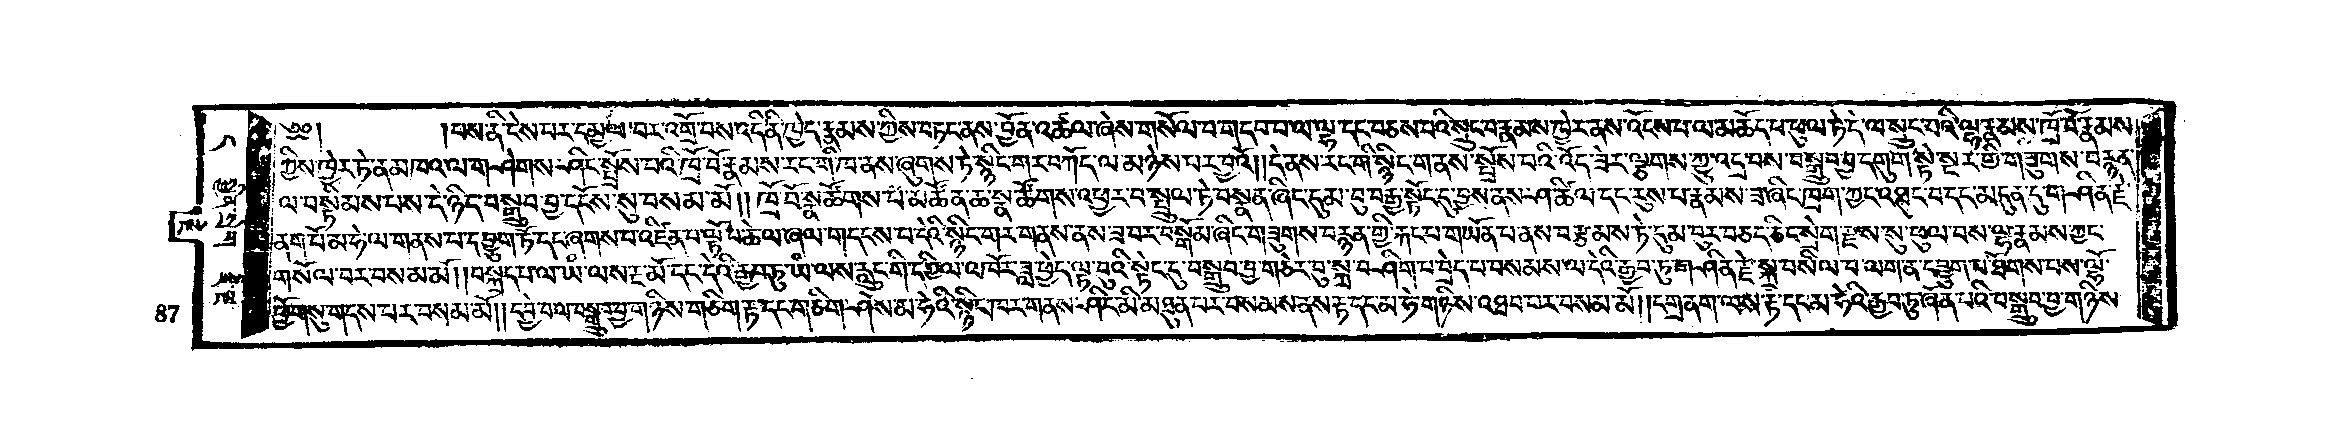༄༅། །པས་ནི་ངེས་པར་དམྱལ་བར་འགྲོ་བས་འདི་ནི་ཁྱེད་རྣམས་ཀྱིས་བཏང་ནས་བྱོན་འཚལ་ཞེས་གསོལ་བ་གདབ་པ་ལ་ལྷ་དང་བཅས་པའི་སྲུང་བ་རྣམས་ཁྱེར་ནས་འོངས་པ་ལ་མཆོད་པ་ཕུལ་ཏེ་དེ་ལ་སྲུང་བའི་ལྷ་རྣམས་ཁྲོ་བོ་རྣམས་
ཀྱིས་ཁྱེར་ཏེ་ནམ་མཁའ་ལ་གཤེགས་ཤིང་སྤྲོས་པའི་ཁྲོ་བོ་རྣམས་རང་གི་ཁ་ནས་ཞུགས་ཏེ་སྙིང་གར་བཀོད་ལ་མཉེས་པར་བྱའོ། །དེ་ནས་རང་གི་སྙིང་ག་ནས་སྤྲོས་པའི་འོད་ཟེར་ལྕགས་ཀྱུ་འདྲ་བས་བསྒྲུབ་བྱ་དགུག་སྟེ་སྔར་གྱི་གཟུགས་བརྙན་
ལ་བསྟིམས་པས་དེ་ཉིད་བསྒྲུབ་བྱ་དངོས་སུ་བསམ་མོ། །ཁྲོ་བོ་སྣ་ཚོགས་པ་མཚོན་ཆ་སྣ་ཚོགས་འཕྱར་བ་སྤྲུལ་ཏེ་བསྣན་ཞིང་དུམ་བུ་བརྒྱ་སྟོང་དུ་བྱས་ནས་ཤ་ཚིལ་དང་རུས་པ་རྣམས་ཟ་ཞིང་ཁྲག་ཀྱང་འཐུང་བ་དང་མདུན་དུ་གཤིན་རྗེ་
ནག་པོ་མ་ཧེ་ལ་གནས་པ་དབྱུག་ཏོ་དང་ཞགས་པ་འཛིན་པ་ལྟོ་བ་ཆེ་ལ་ཞལ་གདངས་པ་དེའི་སྙིང་གར་གནས་ནས་ཟ་བར་བསྒོམ་ཞིང་གཟུགས་བརྙན་གྱི་རྐང་པ་གཡོན་པ་ནས་བརྩམས་ཏེ་དུམ་བུར་བཅད་ཅིང་སྲེག་རྫས་སུ་ཕུལ་བས་ལྷ་རྣམས་ཀྱང་
གསོལ་བར་བསམ་མོ། །བསྐྲད་པ་ལ་ཡཾ་ལས་རྔ་མོ་དང་དེའི་རྒྱབ་ཏུ་ཡཾ་ལས་རླུང་གི་དཀྱིལ་འཁོར་ཟླ་ཕྱེད་ལྟ་བུའི་སྟེང་དུ་བསྒྲུབ་བྱ་གཅེར་བུ་སྐྲ་བཤིག་པ་བྲེད་པ་བསམས་ལ་དེའི་རྒྱབ་ཏུ་གཤིན་རྗེ་སྐྲ་བསིལ་པ་ལ་དབྱུག་པ་ཐོགས་པས་ལྷོ་
ཕྱོགས་སུ་གདས་པར་བསམ་མོ། །དབྱེ་བ་ལ་བསྒྲུབ་བྱ་གཉིས་གཅིག་རྟ་དང་གཅིག་ཤེས་མ་ཧེའི་སྙིང་ཁར་གནས་ཤིང་མི་མཐུན་པར་བསམས་ནས་རྟ་དང་མ་ཧེ་གཉིས་འཐབ་པར་བསམ་མོ། །དགྲ་ནག་ལས་རྟ་དང་མ་ཧེའི་རྒྱབ་ཏུ་ཞོན་པའི་བསྒྲུབ་བྱ་གཉིས་